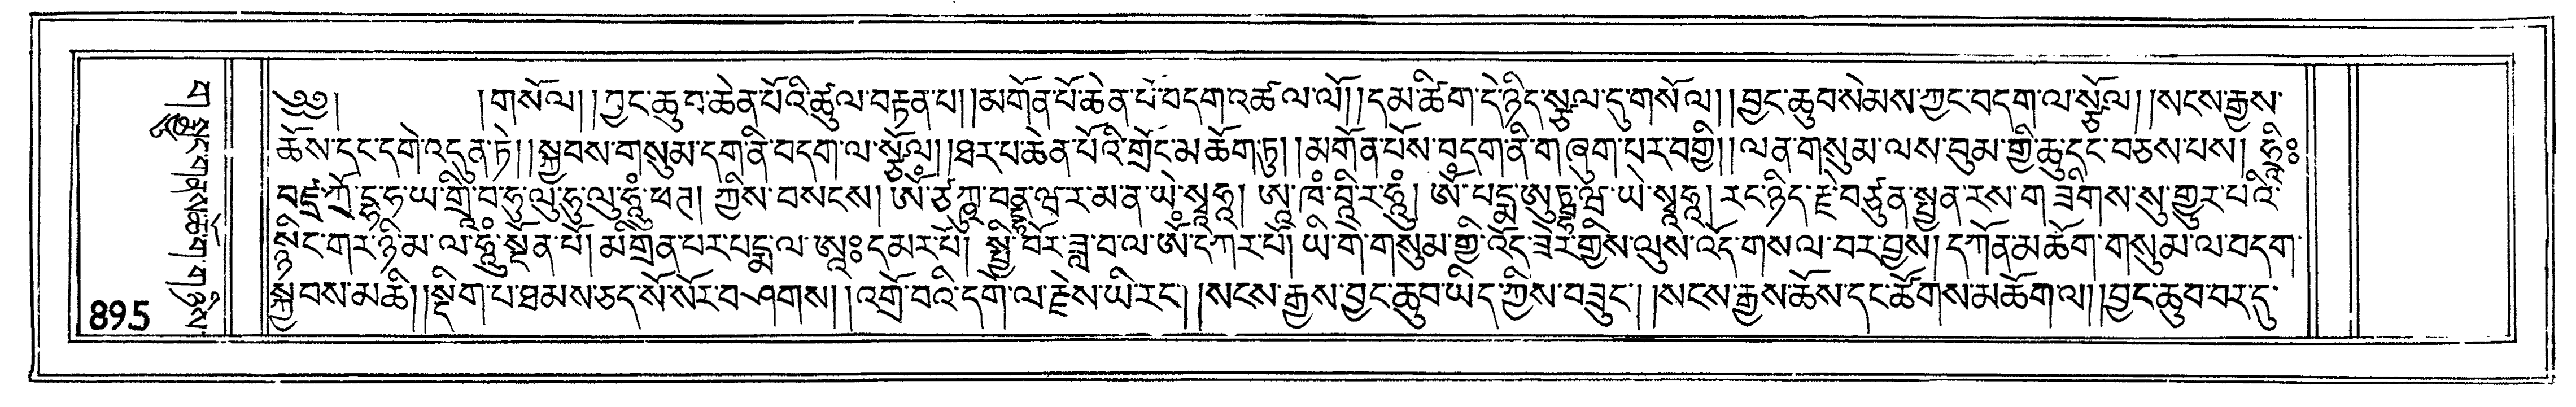༄༅། །གསོལ། །བྱང་ཆུབ་ཆེན་པོའི་ཚུལ་བརྟན་པ། །མགོན་པོ་ཆེན་པོ་བདག་འཚལ་ལོ། །དམ་ཚིག་དེ་ཉིད་སྩལ་དུ་གསོལ། །བྱང་ཆུབ་སེམས་ཀྱང་བདག་ལ་སྩོལ། །སངས་རྒྱས་
ཆོས་དང་དགེ་འདུན་ཏེ། །སྐྱབས་གསུམ་དག་ནི་བདག་ལ་སྩོལ། །ཐར་པ་ཆེན་པོའི་གྲོང་མཆོག་ཏུ། །མགོན་པོས་བདག་ནི་གཞུག་པར་བགྱི། །ལན་གསུམ་ལས་བུམ་གྱི་ཆུ་དང་བཅས་པས། ཧྲཱིཿ
བཛྲ་ཀྲོ་དྷ་ཧ་ཡ་གྲཱི་བ་ཧུ་ལུ་ཧུ་ལུ་ཧཱུཾ་ཕཊ། ཀྱིས་བསངས། ཨོཾ་ཙཀྵུ་བནྡྷ་ཝ་ར་མ་ན་ཡེ་སྭཱཧཱ། ཨཱ་ཁཾ་བཱི་ར་ཧཱུཾ། ཨོཾ་པདམ་ཨུཏྦྷ་ཝ་ཡེ་སྭཱཧཱ། རང་ཉིད་རྗེ་བཙུན་སྤྱན་རས་གཟིགས་སུ་གྱུར་པའི་
སྙིང་གར་ཉི་མ་ལ་ཧཱུཾ་སྔོན་པོ། མགྲིན་པར་པདམ་ལ་ཨཱཿ དམར་པོ། སྤྱི་བོར་ཟླ་བ་ལ་ཨོཾ་དཀར་པོ། ཡི་གེ་གསུམ་གྱི་འོད་ཟེར་གྱིས་ལུས་འོད་གསལ་བར་བྱས། དཀོན་མཆོག་གསུམ་ལ་བདག་
སྐྱབས་མཆི། །སྡིག་པ་ཐམས་ཅད་སོ་སོར་བཤགས། །འགྲོ་བའི་དགེ་ལ་རྗེས་ཡི་རང་། །སངས་རྒྱས་བྱང་ཆུབ་ཡིད་ཀྱིས་བཟུང་། །སངས་རྒྱས་ཆོས་དང་ཚོགས་མཆོག་ལ། །བྱང་ཆུབ་བར་དུ་